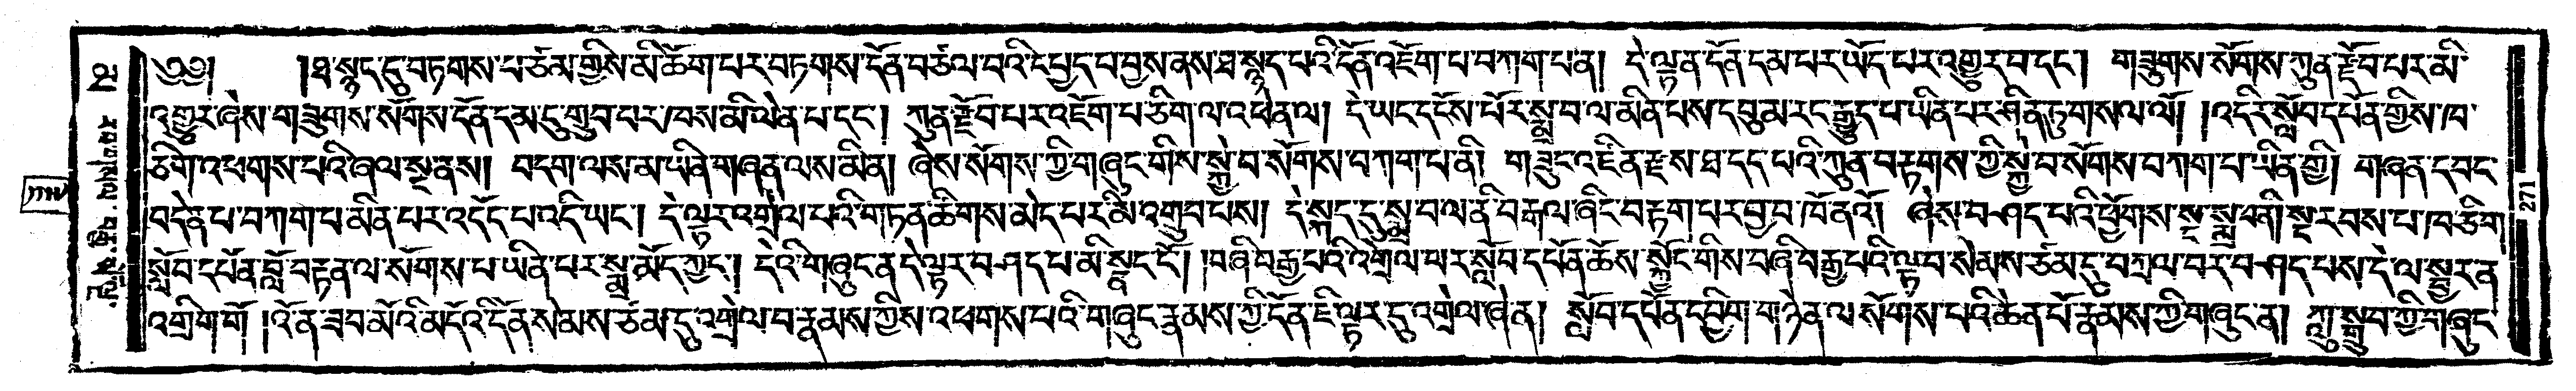༄༅། །ཐ་སྙད་དུ་བཏགས་པ་ཙམ་གྱིས་མི་ཆོག་པར་བཏགས་དོན་བཙལ་བའི་དཔྱད་པ་བྱས་ནས་ཐ་སྙད་པའི་དོན་འཇོག་པ་བཀག་པ་ན། དེ་ལྟ་ན་དོན་དམ་པར་ཡོད་པར་འགྱུར་བ་དང་། གཟུགས་སོགས་ཀུན་རྫོབ་པར་མི་
འགྱུར་ཞེས་གཟུགས་སོགས་དོན་དམ་དུ་གྲུབ་པར་ཁས་མི་ལེན་པ་དང་། ཀུན་རྫོབ་པར་འཇོག་པ་ཅིག་ལ་འཕེན་ལ། དེ་ཡང་དངོས་པོར་སྨྲ་བ་ལ་མིན་པས་དབུ་མ་རང་རྒྱུད་པ་ཡིན་པར་ཤིན་ཏུ་གསལ་ལོ། །འདིར་སློབ་དཔོན་གྱིས་ཁ་
ཅིག་འཕགས་པའི་ཞལ་སྔ་ནས། བདག་ལས་མ་ཡིན་གཞན་ལས་མིན། ཞེས་སོགས་ཀྱི་གཞུང་གིས་སྐྱེ་བ་སོགས་བཀག་པ་ནི། གཟུང་འཛིན་རྫས་ཐ་དད་པའི་ཀུན་བརྟགས་ཀྱི་སྐྱེ་བ་སོགས་བཀག་པ་ཡིན་གྱི། གཞན་དབང་
བདེན་པ་བཀག་པ་མིན་པར་འདོད་པ་འདི་ཡང་། དེ་ལྟར་འགྲེལ་པའི་གཏན་ཚིགས་མེད་པར་མི་འགྲུབ་པས། དེ་སྐད་དུ་སྨྲ་བ་ལ་ནི་བརྒལ་ཞིང་བརྟག་པར་བྱ་བ་ཁོ་ནའོ། ཞེས་བཤད་པའི་ཕྱོགས་སྔ་སྨྲ་བ་ནི། སྔ་རབས་པ་ཁ་ཅིག་
སློབ་དཔོན་བློ་བརྟན་ལ་སོགས་པ་ཡིན་པར་སྨྲ་མོད་ཀྱང་། དེའི་གཞུང་ན་དེ་ལྟར་བཤད་པ་མི་སྣང་ངོ། །བཞི་བརྒྱ་པའི་འགྲེལ་པར་སློབ་དཔོན་ཆོས་སྐྱོང་གིས་བཞི་བརྒྱ་པའི་ལྟ་བ་སེམས་ཙམ་དུ་བཀྲལ་བར་བཤད་པས་དེ་ལ་སྦྱར་ན་
འགྲིག་གོ །འོ་ན་ཟབ་མོའི་མདོའི་དོན་སེམས་ཙམ་དུ་འགྲེལ་པ་རྣམས་ཀྱིས་འཕགས་པའི་གཞུང་རྣམས་ཀྱི་དོན་ཇི་ལྟར་དུ་འགྲེལ་ཞེ་ན། སློབ་དཔོན་དབྱིག་གཉེན་ལ་སོགས་པའི་ཆེན་པོ་རྣམས་ཀྱི་གཞུང་ན། ཀླུ་སྒྲུབ་ཀྱི་གཞུང་